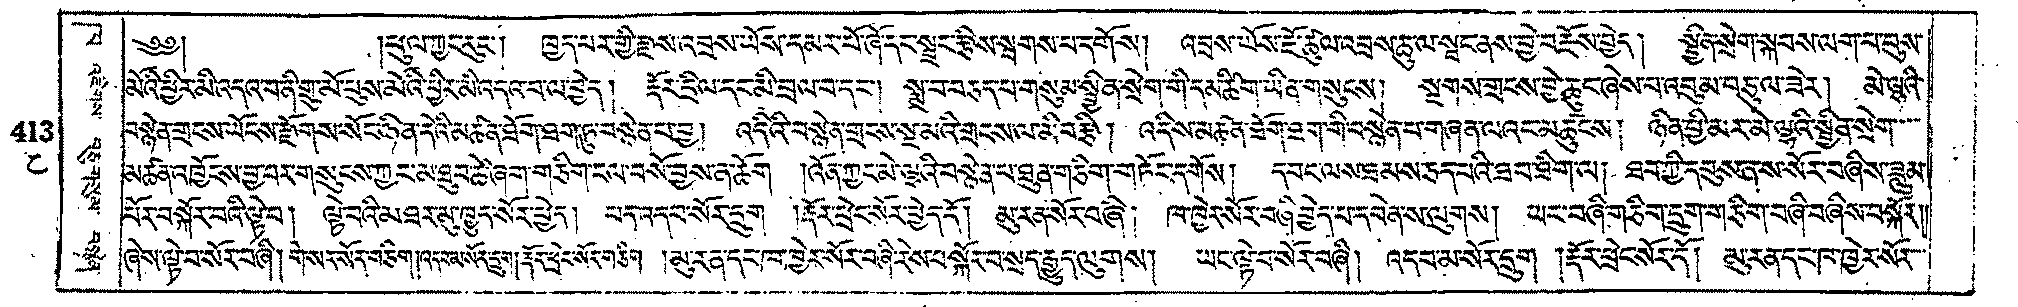༄༅། །ཕུལ་ཀྱང་རུང་། ཁྱད་པར་གྱི་རྫས་འབྲས་ཡོས་དམར་པོ་ཞོ་དང་སྦྲང་རྩིས་སྦགས་པ་དགོས། འབྲས་ཡོས་རྔོ་ཚུལ་འབྲས་ཆུ་ལ་སྤང་ནས་བྱེ་བརྔོས་བྱེད། སྦྱིན་སྲེག་སྐབས་ལག་པ་པུས་
མོའི་ཕྱིར་མི་འདའ་བ་ནི་གྲུ་མོ་པུས་མོའི་ཕྱིར་མི་འདའ་བ་ལ་བྱེད། རྡོར་དྲིལ་དང་མི་བྲལ་བ་དང་། སྨྲ་བ་བཅད་པ་གསུམ་སྦྱིན་སྲེག་གི་དམ་ཚིག་ཡིན་གསུངས། སྔགས་གྲངས་བྱེ་ཆུང་ཞེས་པ་འབུམ་བཅུ་ལ་ཟེར། མེ་ལྷའི་
བསྙེན་གྲངས་ཡོངས་རྫོགས་སོང་ཉིན་དེའི་མཚན་ཐོག་ཐག་ཏུ་བསྙེན་པ་བྱ། འདིའི་བསྙེན་གྲངས་སྔ་མའི་གྲངས་ལ་མི་བརྩི། འདིས་མཚན་ཐོག་ཐག་གི་བསྙེན་པ་གཞན་ལའང་མཚུངས། ཉིན་ཕྱི་མར་མེ་ལྷའི་སྦྱིན་སྲེག་་་
མཚན་འཁྱོངས་བྱ་བར་གསུངས་ཀྱང་མ་ཐུབ་ཚེ་ཞག་གཅིག་ངལ་བསོ་བྱས་ན་ཆོག །འོན་ཀྱང་མེ་ལྷའི་བསྙེན་པ་ཐུན་གཅིག་གཏོང་དགོས། དབང་ལས་ཐམས་ཅད་པའི་ཐབ་ཐིག་ལ། ཐབ་ཀྱི་དབུས་ནས་སོར་བཞིས་ཟླུམ་
པོར་བསྐོར་བའི་ལྟེ་བ། ལྟེ་བའི་མཐར་མུ་ཁྱུད་སོར་ཕྱེད། པད་འདབ་སོར་དྲུག །རྡོར་ཕྲེང་སོར་ཕྱེད་དོ། །མུ་རན་སོར་བཞི། ཁ་ཁྱེར་སོར་བཞི་བྱེད་པ་དབེན་ས་ལུགས། ཡང་བཞི་གཅིག་དྲུག་གཅིག་བཞི་བཞིས་བསྐོར།།
ཞེས་ལྟེ་བ་སོར་བཞི། གེ་སར་སོར་གཅིག། འདབ་མ་སོར་དྲུག །རྡོར་ཕྲེང་སོར་གཅིག་།མུ་རན་དང་ཁ་ཁྱེར་སོར་བཞི་རེས་བསྐོར་བ་སྲད་རྒྱུད་ལུགས། ཡང་ལྟེ་བ་སོར་བཞི། འདབ་མ་སོར་དྲུག །རྡོར་ཕྲེང་སོར་དོ། མུ་རན་དང་ཁ་ཁྱེར་སོར་་་